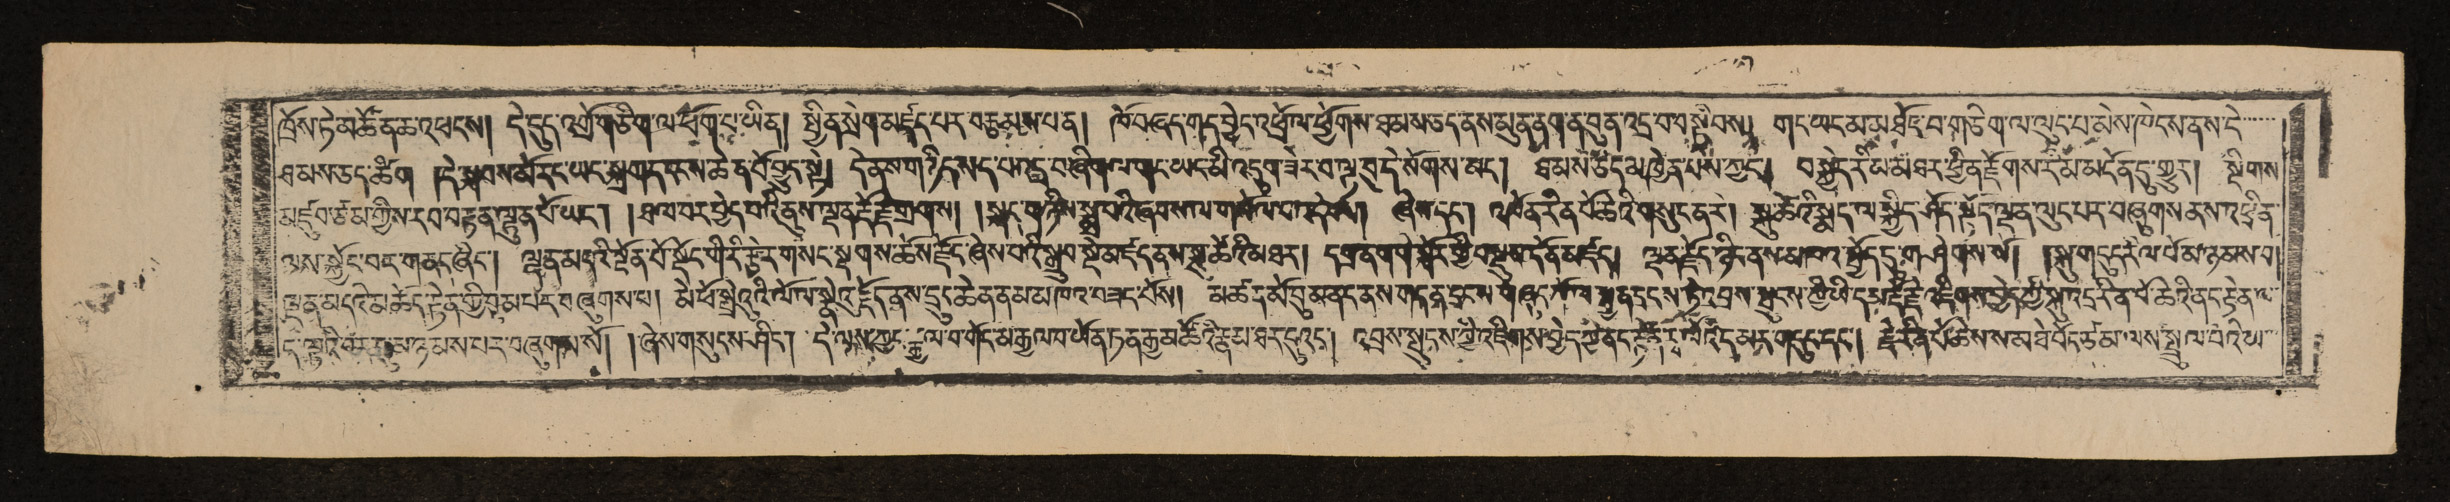ཁྲོས་ཏེ་མཚོན་ཆ་འཕངས། དེ་དུད་འགྲོ་གཅིག་ལ་ཕོག་པ་ཡིན། སྤྱིན་སྲེག་མཛད་པར་བརྩམས་པ་ན། ཁོ་བཞད་གད་བྱེད་འཕྲོ་ལ་ཕྱོགས་ཐམས་ཅད་ནས་མུན་ནག་ན་བུན་འདྲ་བ་བསྟིབས། གང་ཡང་མ་མཐོང་བ་གཅིག་ལ་ལུང་པ་མེས་ཁེངས་ནས་དེ་
ཐམས་ཅད་ཚིག །དེ་སྐབས་མོ་རང་ཡང་སྐྲག་དངངས་ཆེན་པོ་བྱུང་སྟེ། དེ་ནས་གཉིད་སད་པ་འདྲ་བ་ཞིག་ལ་གང་ཡང་མི་འདུག་ཟེར་བ་ལྟ་བུ་དེ་སོགས་མང་། ཐམས་ཅད་མཁྱེན་པས་ཀྱང་། བསྐྱེད་རིམ་མཐར་ཕྱིན་རྫོགས་རིམ་མངོན་དུ་གྱུར། །སྡིགས་
མཛུབ་ཙམ་གྱིས་རབ་བརྟན་ལྷུན་པོ་ཡང་། །ཐལ་བར་བྱེད་པའི་ནུས་ལྡན་རྡོ་རྗེ་གྲགས། །སྐད་གཉིས་སྨྲ་བའི་ཞབས་ལ་གསོལ་བ་འདེབས། །ཞེས་དང་། འཁོན་རིན་པོ་ཆེའི་གསུང་ན་རེ། སྐུ་ཚེའི་སྨད་ལ་སྐྱིད་ཤོད་སྟོད་ལྡན་ལུང་པར་བཞུགས་ནས་འཕྲིན་
ལས་སྐྱོང་བར་གནང་ཞིང་། ལྡན་མདའི་སྔོན་པོ་སྡོང་གི་རི་རྩེར་གསང་སྔགས་ཆོས་རྫོང་ཞེས་པའི་སྒྲུབ་སྡེ་མཛད་ནས་སྐུ་ཚེའི་མཐར། དགྲ་ནག་གི་སྐོར་གྱི་བསྡུས་དོན་མཛད། ལྡན་རྫོང་ཉིད་ནས་མཁའ་སྤྱོད་དུ་གཤེགས་སོ། །སྐུ་གདུད་རིལ་པོ་མ་ཉམས་པ།
ལྡན་མདའི་མཆོད་རྟེན་གྱི་བུམ་པར་བཞུགས་པ། མེ་ཕོ་སྤྲེའུའི་ལོ་ལ་སྣེའུ་རྫོང་ནས་དྲུང་ཆེན་ནམ་མཁའ་བཟང་པོས། མཚན་མོ་བུམ་ནང་ནས་གདན་དྲངས་གཞུང་ཀོ་ལ་སྤྱན་དྲངས་ཏེ་འབྲས་སྤུངས་ཀྱི་ཡི་དམ་རྡོ་རྗེ་འཇིགས་བྱེད་ཀྱི་སྐུ་འདྲ་རིན་པོ་ཆེའི་ནང་རྟེན་ལ་
ད་ལྟའི་བར་དུ་མ་ཉམས་པར་བཞུགས་སོ། །ཞེས་གསུངས་ཤིང་། དེ་ལས་ཀྱང་རྒྱལ་བ་གོང་མ་རྒྱལ་བ་ཡོན་ཏན་རྒྱ་མཚོའི་རྣམ་ཐར་དུའང་། འབྲས་སྤུངས་ཀྱི་འཇིགས་བྱེད་ཀྱི་ནང་རྟེན་རྭ་ལོའི་དམར་གདུང་དང་། རྗེ་རིན་པོ་ཆེས་ས་མཐེ་བོང་ཙམ་ལས་སྤྲུལ་པའི་ཡ་